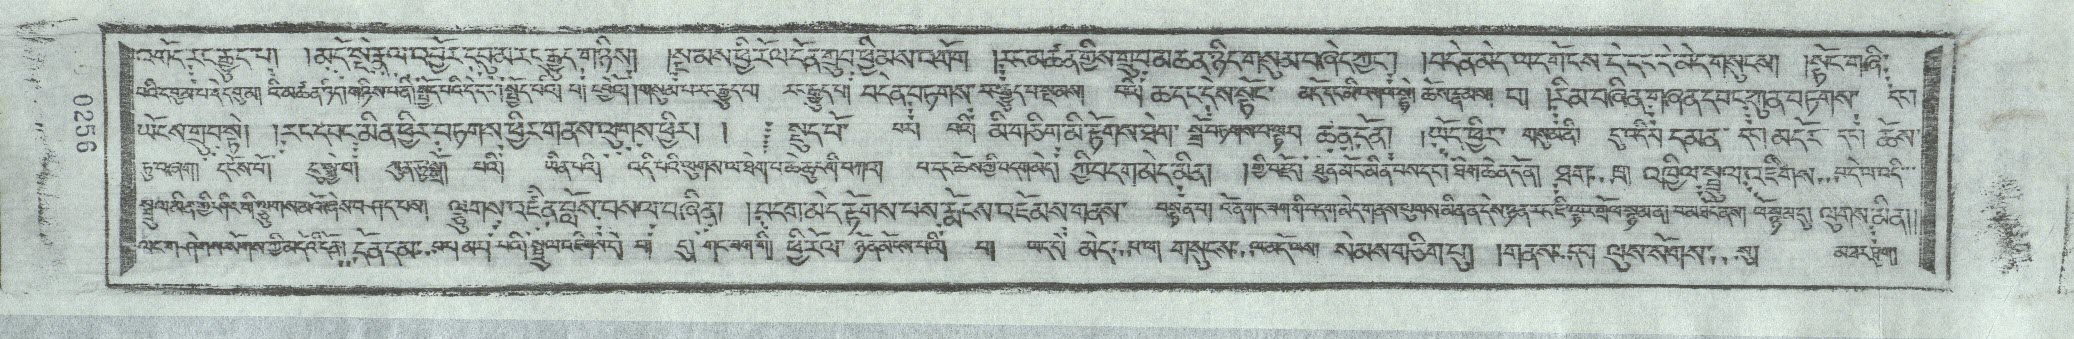འགོད་རང་རྒྱུད་པ། །མདོ་སྡེ་རྣལ་འབྱོར་དབུ་མ་རང་རྒྱུད་གཉིས། །སྔ་མས་ཕྱི་རོལ་དོན་གྲུབ་ཕྱི་མས་འགོག །རང་མཚན་གྱིས་གྲུབ་མཚན་ཉིད་གསུམ་བཞེད་ཀྱང་། །བདེན་མེད་ལ་དགོངས་དེ་དང་དེ་མེད་གསུངས། །སྟོང་གཞི་
པའི་དབུ་མ་བདེ་དབུ་མ། འི་མཚན་ཉིད། གཉིས་པ་ནི་སྤྱོད་པའི། བ། དབྱེའོ། །གསུམ་པ་རང་རྒྱུད་པ། རང་རྒྱུད་པ། བདེན་བཏགས་པ་བརྒྱུད་བ་སྡམས། པའི། ཆ་དང་དེས་སྟོང་མདོ་དང་མི་འགལ་སྟེ། ཆོས་རྣམས། པ། རིམ་བཞིན་གཞན་དབང་ཀུན་བཏགས་དང་།
ཡོངས་གྲུབ་སྟེ། །རང་དབང་མིན་ཕྱིར་བཏགས་ཕྱིར་གནས་ལུགས་ཕྱིར། སྡུད་པོ་པར། པའི། མི་གཅིག་མི་རྟོགས་ཐེག་སྒྲོ་བཏགས་པ་ལྟར། ཆན་དོན། །ཡོང་ཕྱིར་གསུམ་ནི། དུ་འདིར། དམན་དང་། མདོར་དང་། ཆོས་
ཏུ་བཞག། དངོས་པོ་དུ་སྐྱེ་བ། ཀུན་ཏུ་སྒྲོ། པའི། ཡིན་པའི། འདི་བའི་ལུགས་ལ་ཐེག་པ་ཆེ་ཆུང་གི་བཀའ། པ་དང་ཆོས་ཀྱི་བདག་མེད། ཀྱི་བདག་མེད་མིན། །གྱི་བརྗོད། ཐུན་མོང་མིན་བས་དང་། ཐེག་ཆེན་དོན། ཐག་ཐ། འཁྱིལ་སྦྲུལ་འཇིགས་ཡེལ་འདི་
སྦྲུལ་མིན་གྱི་ཤིང་གི་ལྕུ་ས་མའོ་ཞེས་བཤད་པ། ལྕུགས་འཛིན་བློས་པས་ལ་བཞིན། །བདག་མེད་རྟོགས་པས་རྨོངས་འཇོམས་གནས་བསྟན་པ། འོན་གང་ཟག་གི་བདག་མེད་གནས་ལུགས་མིན་ན་དེས་ཉན་རང་ཇི་ལྟར་གྲོལ་སྙམ་ན་བ་མཐོང་ནས། བོ་སྙམ་དུ། ལུ་ས་མིན།
ལང་གཤེགས་སོགས་ཀྱི་དོའི་དོན། དོན་དམ་པར། པའི། སྦྲུལ་འཇིགས་དེ། པ། དུ། གང་ཟག་གི། ཕྱི་རོལ་ཉོན་མོངས་པའི། པ། ལད་དེ། མེ་དངམ་ལ། གསུང་སང་ལ་མདོ་ལས། སེམས་གཅིག་བུ། །གནས་དང་། ལུས་སོགས་སུ། མ་ར་ཐུག།